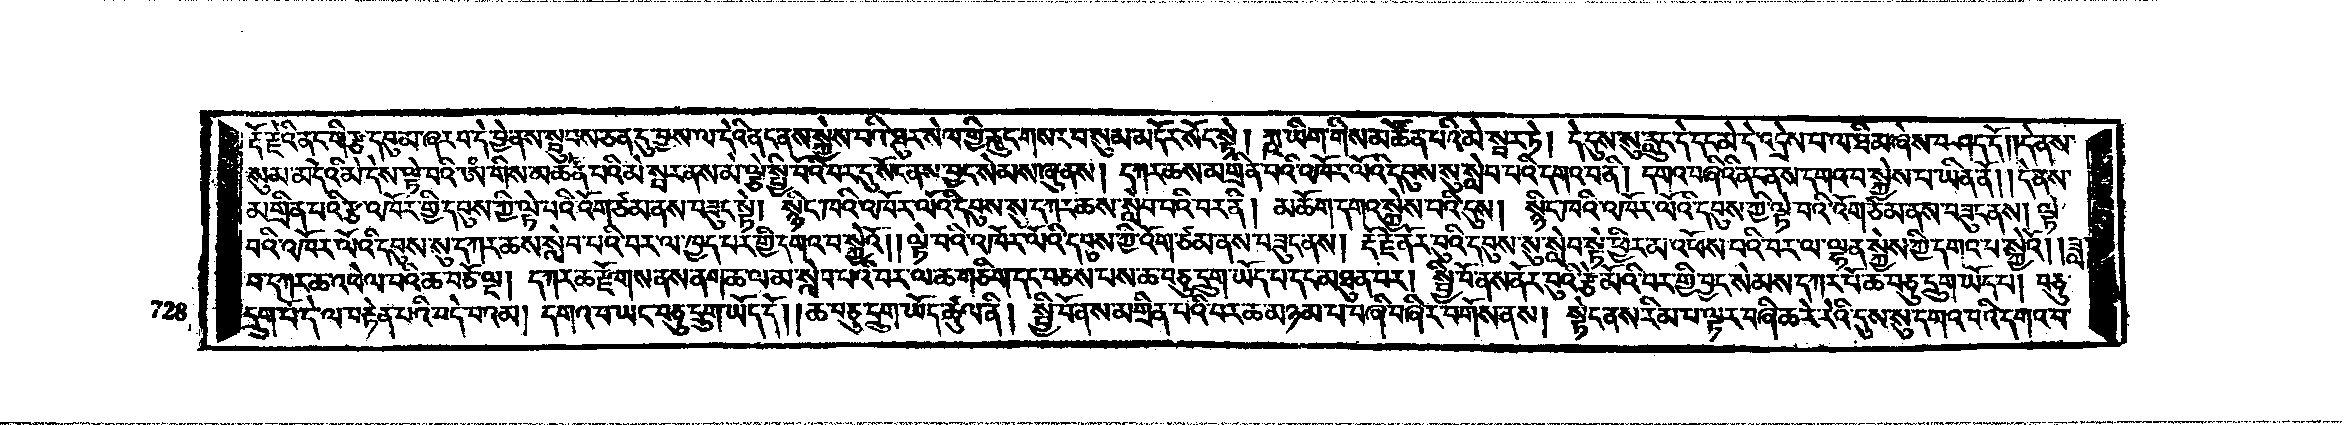རྡོ་རྗེའི་ནང་གི་རྩ་དབུ་མ་ཞར་བ་དེ་བྱེ་ནས་སྦུབས་ཅན་དུ་བྱས་ལ་དེའི་ནང་ནས་སྐྱེས་པའི་ཐུར་སེལ་གྱི་རླུང་གསར་པ་སུམ་མདོར་སོང་སྟེ། ཀྵ་ཡིག་གིས་མཚོན་པའི་མེ་སྦར་ཏེ། དེ་དུས་སུ་རླུང་དེ་དང་མེ་དེ་འདྲེས་པ་ལ་ཐིམ་ཞེས་བཤད་དོ། །དེ་ནས་
སུམ་མདོའི་མེ་དེས་ལྟེ་བའི་ཨཾ་གིས་མཚོན་པའི་མེ་སྦར་ནས་མེ་ལྕེ་སྤྱི་བོའི་བར་དུ་སོང་ནས་བྱང་སེམས་ཞུ་ནས། དཀར་ཆས་མགྲིན་པའི་འཁོར་ལོའི་དབུས་སུ་སླེབ་པའི་དགའ་བ་ནི། དགའ་བཞིའི་ནང་ནས་དགའ་བ་སྐྱེས་བ་ཡིན་ནོ། །དེ་ནས་
མགྲིན་པའི་རྩ་འཁོར་གྱི་དབུས་ཀྱི་ལྟེ་བའི་འོག་ཙམ་ནས་བཟུང་སྟེ། སྙིང་ཁའི་འཁོར་ལོའི་དབུས་སུ་དཀར་ཆས་སླེབ་པའི་བར་ནི། མཆོག་དགའ་སྐྱེས་པའི་དུས། སྙིང་ཁའི་འཁོར་ལོའི་དབུས་ཀྱི་ལྟེ་བའི་འོག་ཙམ་ནས་བཟུང་ནས། ལྟེ་
བའི་འཁོར་ལོའི་དབུས་སུ་?་དཀར་ཆས་སླེབ་པའི་བར་ལ་ཁྱད་པར་གྱི་དགའ་བ་སྐྱེའོ། །ལྟེ་བའི་འཁོར་ལོའི་དབུས་ཀྱི་འོག་ཙམ་ནས་བཟུང་ནས། རྡོ་རྗེ་ནོར་བུའི་དབུས་སུ་སླེབ་སྟེ་ཕྱིར་མ་འཕོས་པའི་བར་ལ་ལྷན་སྐྱེས་ཀྱི་དགའ་བ་སྐྱེའོ། །ཟླ་
བ་དཀར་ཆ་ལ་བརྟེན་པའི་ཚེ་བཅོ་ལྔ། དཀར་ཆ་རྫོགས་ནས་ནག་ཆ་ལ་མ་སླེབ་པའི་བར་ལ་ཆ་གཅིག་དང་བཅས་པས་ཆ་བཅུ་དྲུག་ཡོད་པ་དང་མཐུན་པར། སྤྱི་བོ་ནས་ནོར་བུའི་རྩེ་མོའི་བར་གྱི་བྱང་སེམས་དཀར་པོ་ཆ་བཅུ་དྲུག་ཡོད་པ། བཅུ་
དྲུག་པོ་དེ་ལ་བརྟེན་པའི་བདེ་བའམ། དགའ་བ་ཡང་བཅུ་དྲུག་ཡོད་དོ། །ཆ་བཅུ་དྲུག་ཡོད་ཚུལ་ནི། སྤྱི་བོ་ནས་མགྲིན་པའི་བར་ཆ་མཉམ་པ་བཞི་བཞིར་བགོས་ནས། སྟེང་ནས་རིམ་པ་ལྟར་བཞི་ཆ་རེ་རེའི་དུས་སུ་དགའ་བའི་དགའ་བ་